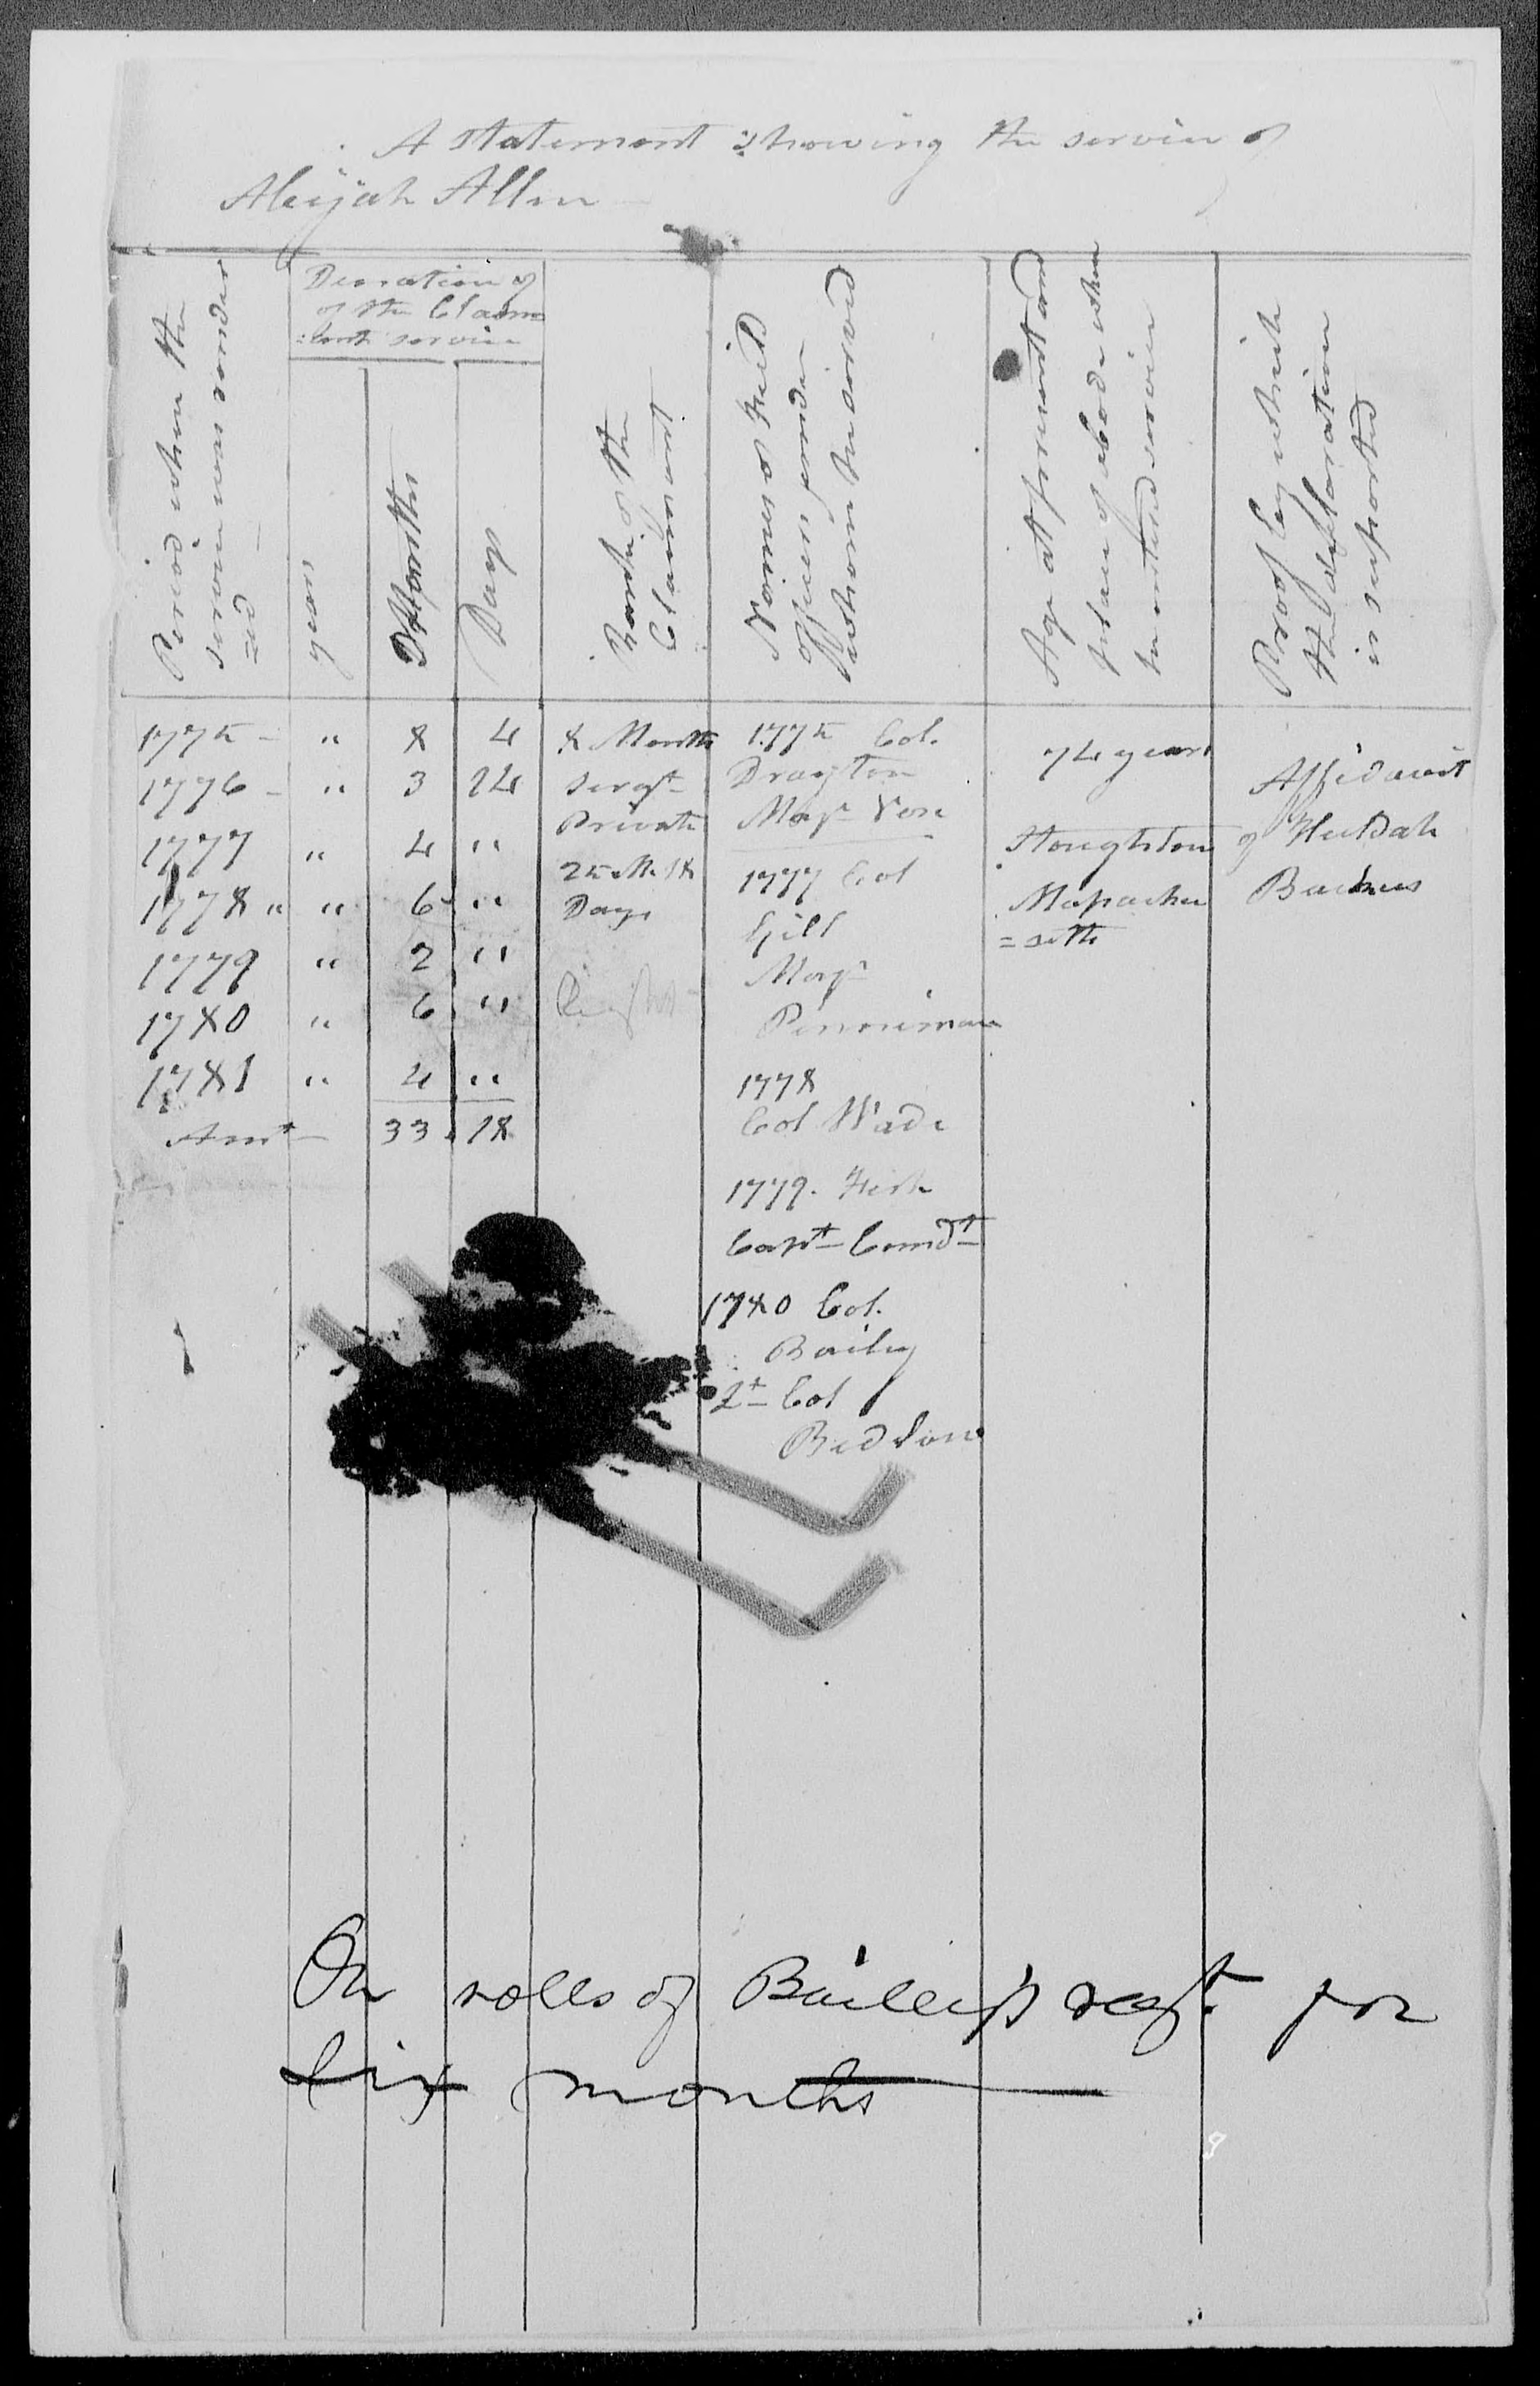A statement showing the service of Abijah Allen

Period when the service was rendered | Duration of the Claimant service [years Months Days] | Rank of the Claimant | Names of Field officers under whom he served | Age at present and place of abode when he entered service | Proof by which the declaration is supported 

1775. | " 8 4 | 8 Months Sergt. Private 25 Mo 18 Days | Col. Grayton Mag. [illegible] | 74 years Stoughton Massachusetts | Affidavit of Huldah Backus 
1776. | " 3 24 | 
1777 | " 4 " | | 1777 Col Gill Mag. [illegible] 
1778 | " 6 " | | 1778 Col Wade
1779 | " 2 " | | 1779. Herk(?) Capt. Comdt. 
1780 | " 6 " | | 1780 Col. Bailey Col Bedlow 
1781 | " 4 " | |
Amt. | 33 18 | |

On rolls of Bailey's regt. for six(?) months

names: Bailey, Drayton, Abijah Allen, Firk, Wade, Penniman, Gill, Von, Bedlow, Bailey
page: 20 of 21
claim: survivor's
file: S. 15356, Abijah Allen, Mass.